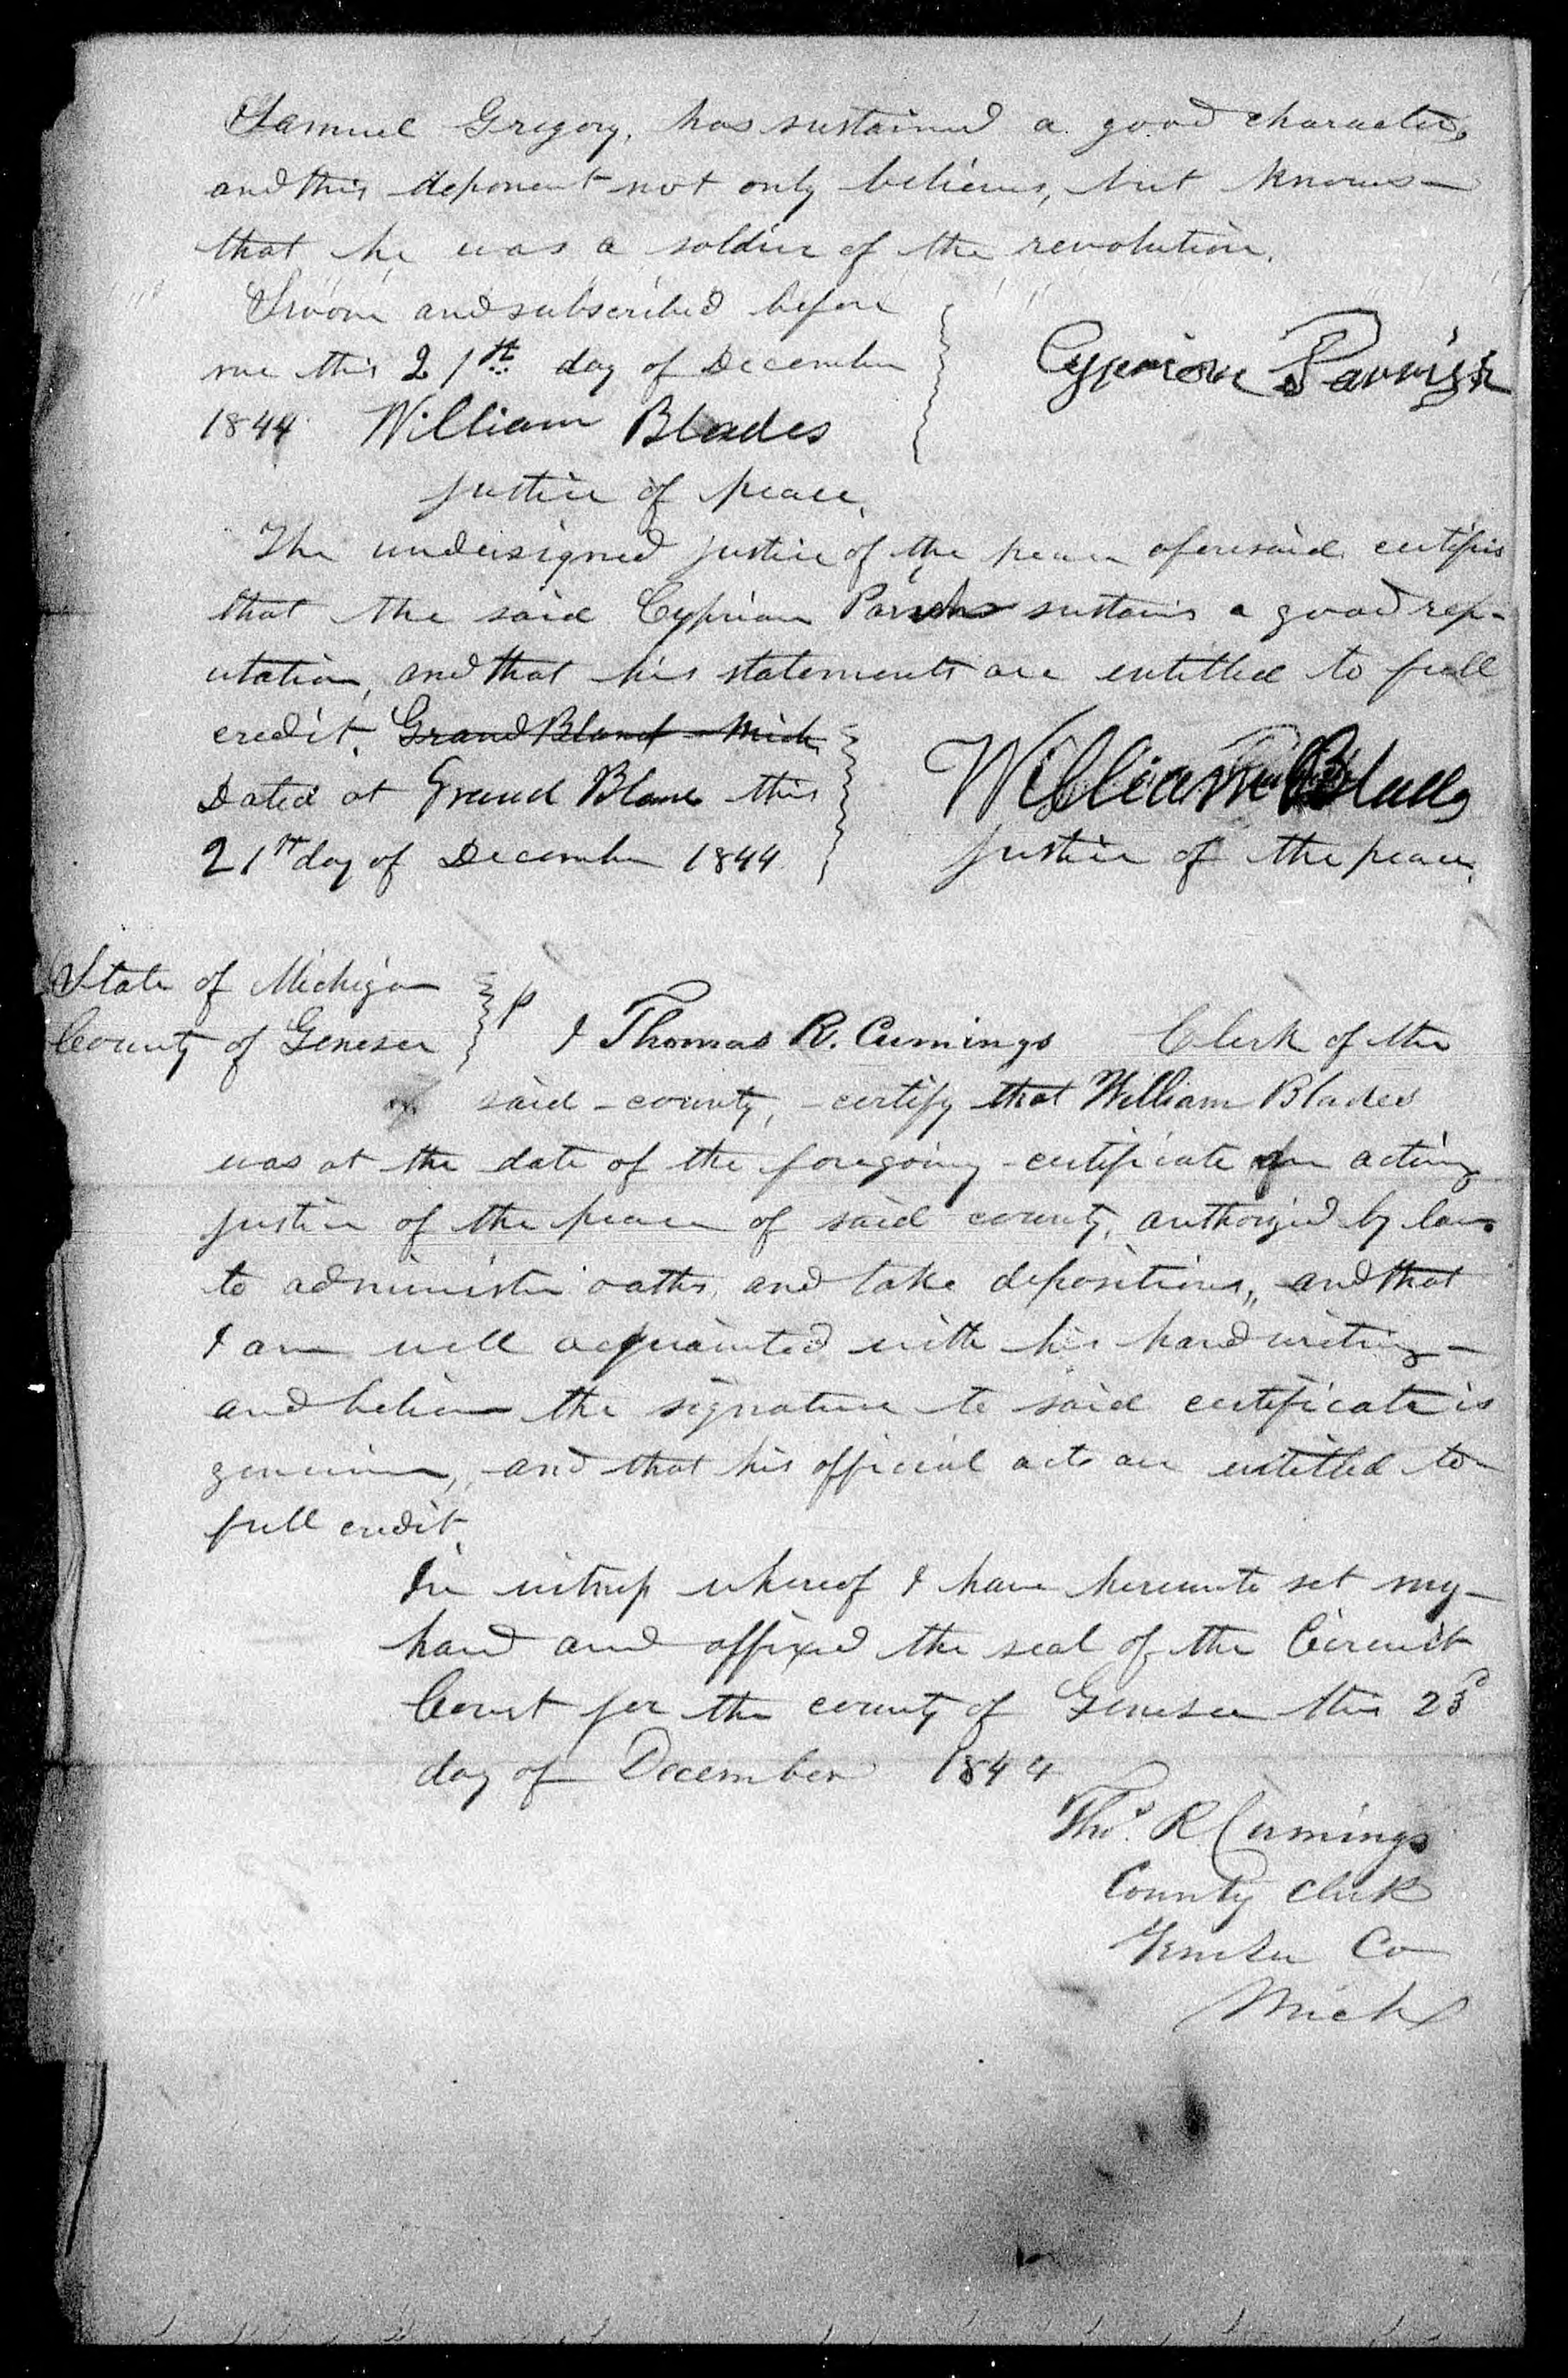Samuel Gregory, has sustained a good character and this deponent not only believes, but knows that he was a soldier of the revolution
Sworn and subscribed before
me this 21st day of December
1844  William Blades
Justice of Peace

[signed] Cyprian Parrish

The undersigned justice of the peace aforesaid certifies that the said Cyprian Parrish sustains a good reputation and that his statements are entitled to credit.
Dated at Grand Blane this
21st day of December 1844

[signed] William Blades Justice of the peace

State of Michigan
County of Genesee  ss.  I Thomas R. Cumings clerk of the said court of said county,, certify that William Blades was at the date of the foregoing certificate as acting Justice of the Peace of said county, authorized by law to administer oaths and take depositions and that I am well acquainted with his handwriting - and believe the signature to said certificate is genuine, and that his official acts are entitled to full credit

In witness whereof & have hereunto set my hand and affixed the seal of the Circuit Court for the County of Genesee this 23rd day of December 1844

Tho R. Cumings
County Clerk
Genesee Co
Michigan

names: Thomas R Cumings, Samuel Gregory, Cyprian Parrish, William Blades, William Blades, Thos R Cumings, William Blades, Cyprian Parish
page: 64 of 66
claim: rejected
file: R. 4298, Samuel Gregory, New York